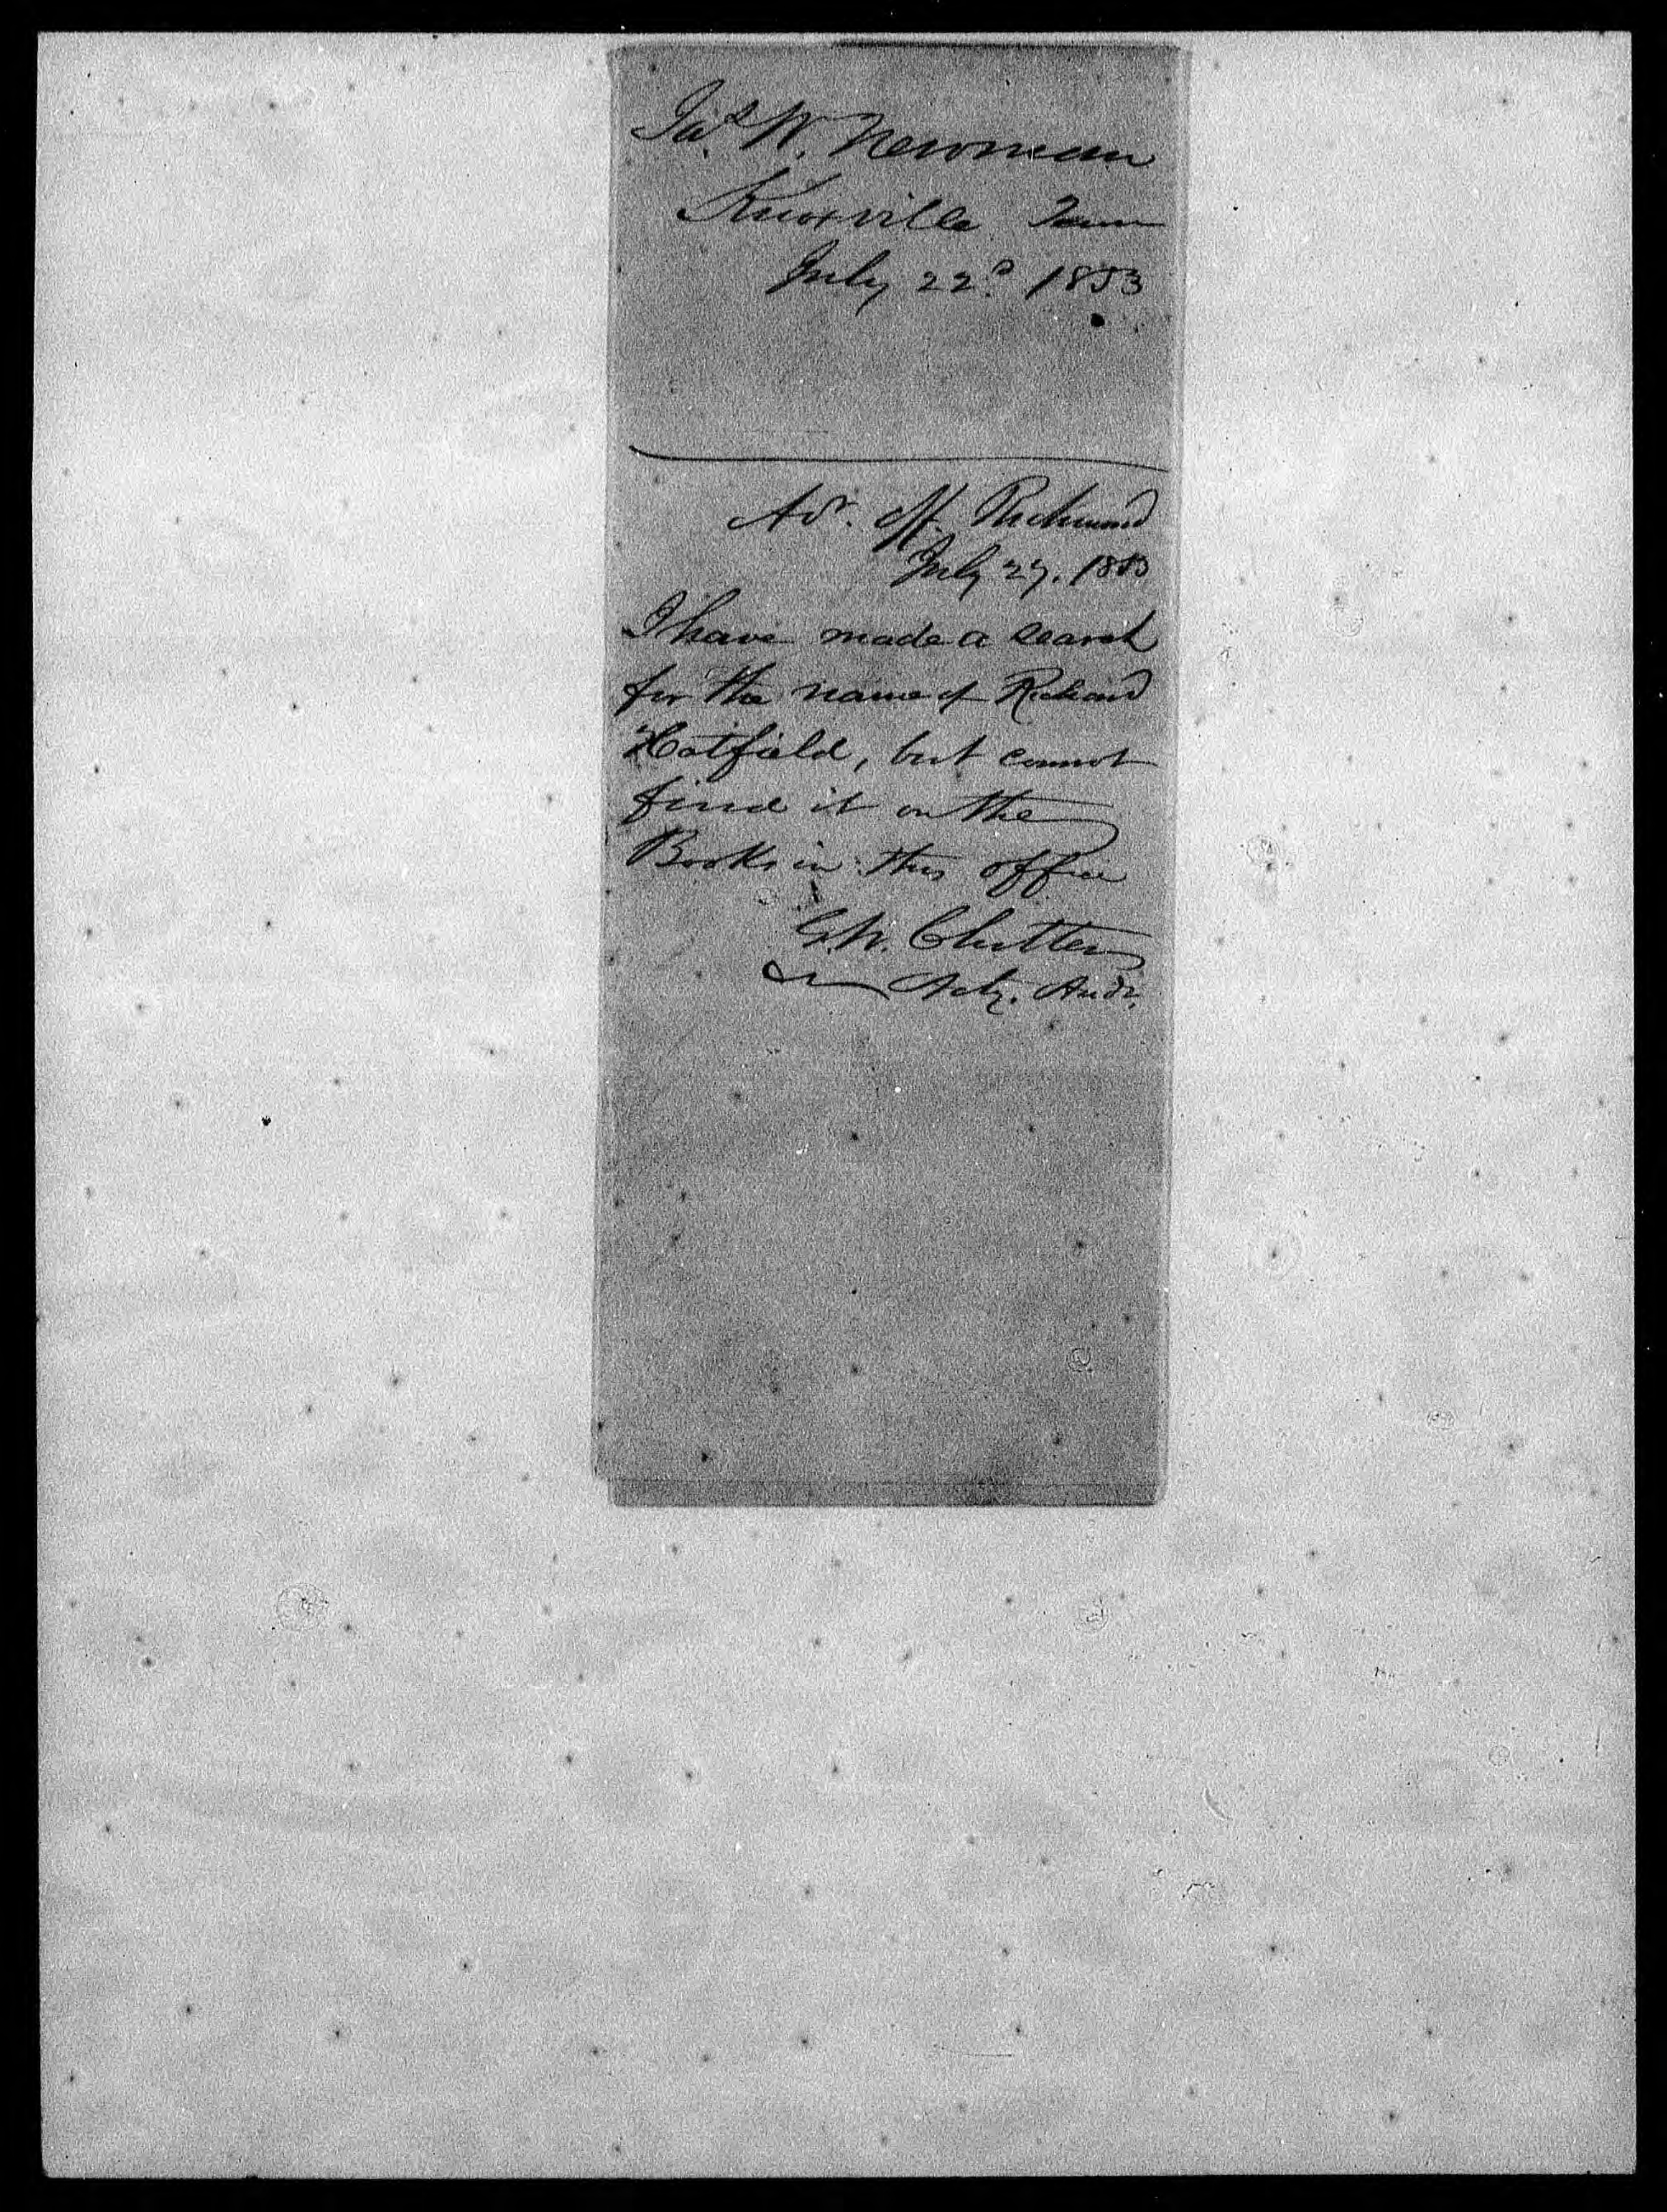Jas. W. Newman
Knoxville Tenn
July 22d 1853

Adr. Off. Richmond
July 27, 1853
I have made a search
for the name of Richard
Hatfield, but cannot
find it on the
Books in this office
G. W. Chetter
~Actg. Audr.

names: Richard Hatfield, Jas W Newman, G W Chetter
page: 69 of 74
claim: widow's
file: W. 5, Joseph Hatfield, Va.